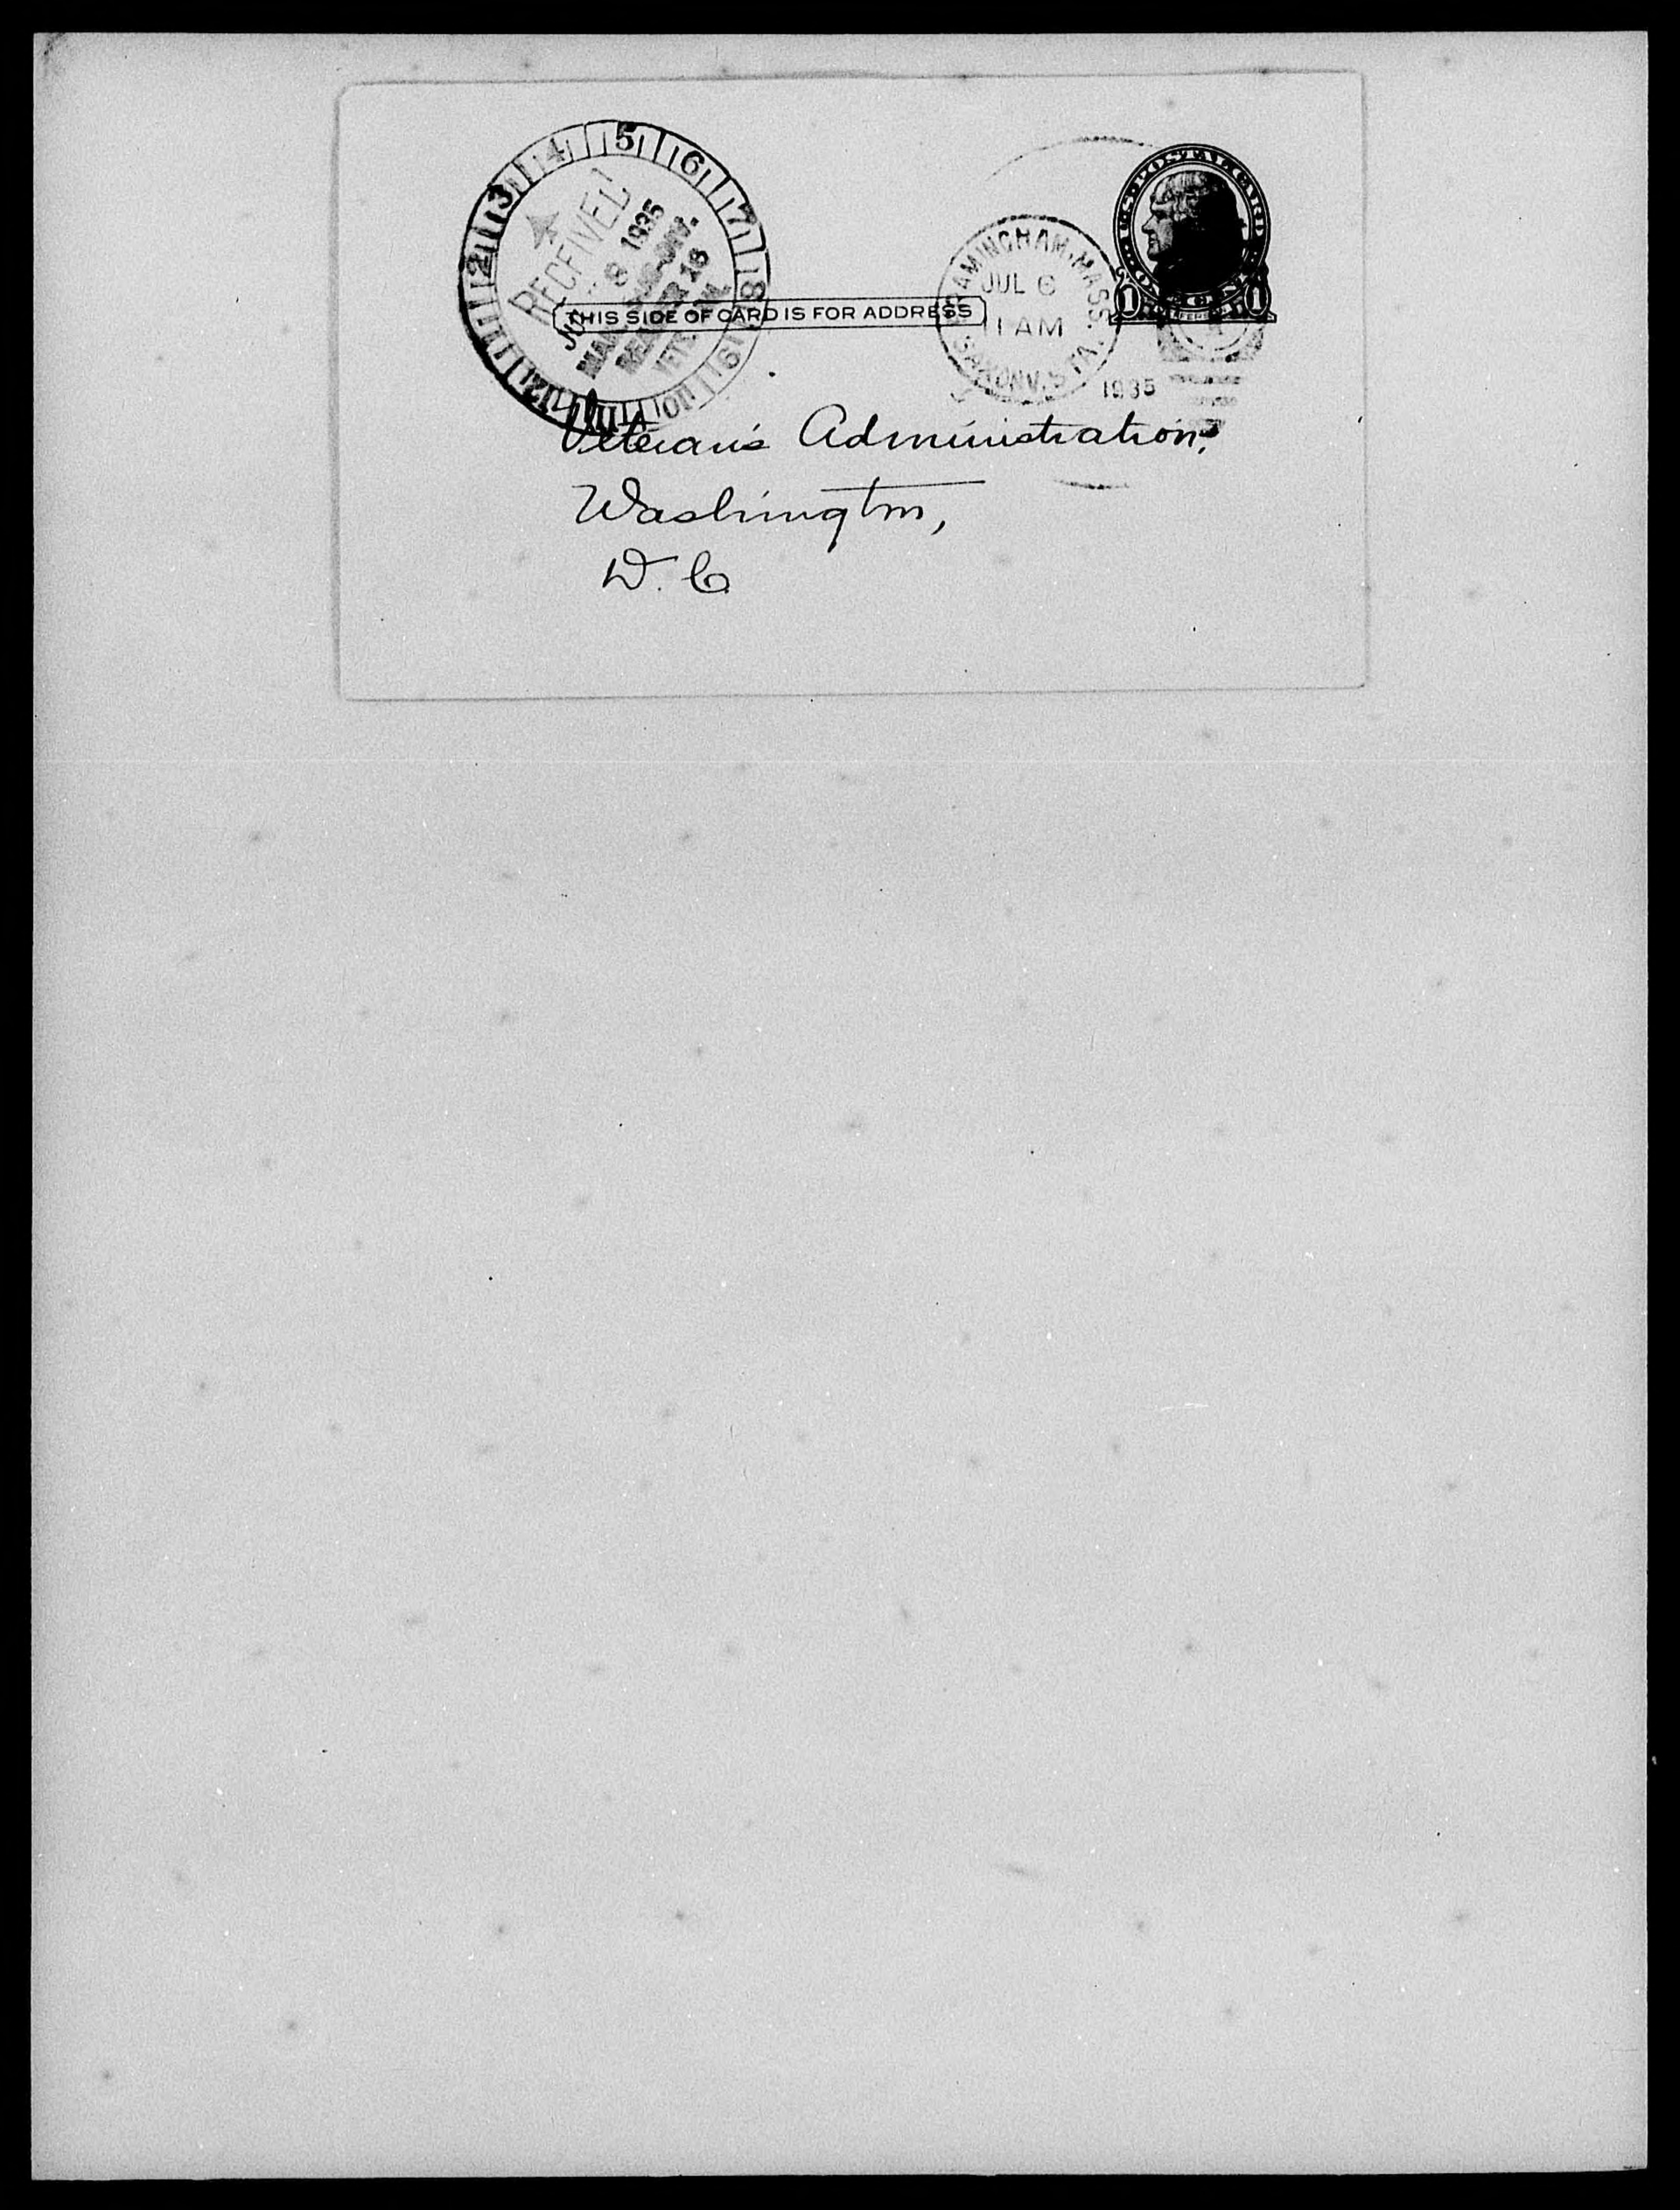[stamp]
RECEIVED
JUL 8 1935
MAIL SUB-DIV.
READER 16
VETS. ADM.

[stamp]
FRAMINGHAM, MASS.
JUL 6
11 AM
SAXONV.STA.
1935

[postcard cancelled postage in upper right corner as follows]
US POSTAL CARD
ONE CENT
1 JEFFERSON 1

THIS SIDE OF CARD IS FOR ADDRESS [circle printed around this wording]

Veterans Administration
Washington,
D.C.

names: [BLANK]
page: 22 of 38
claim: survivor's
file: S. 43181, for Ezekiel Stone, New Hampshire